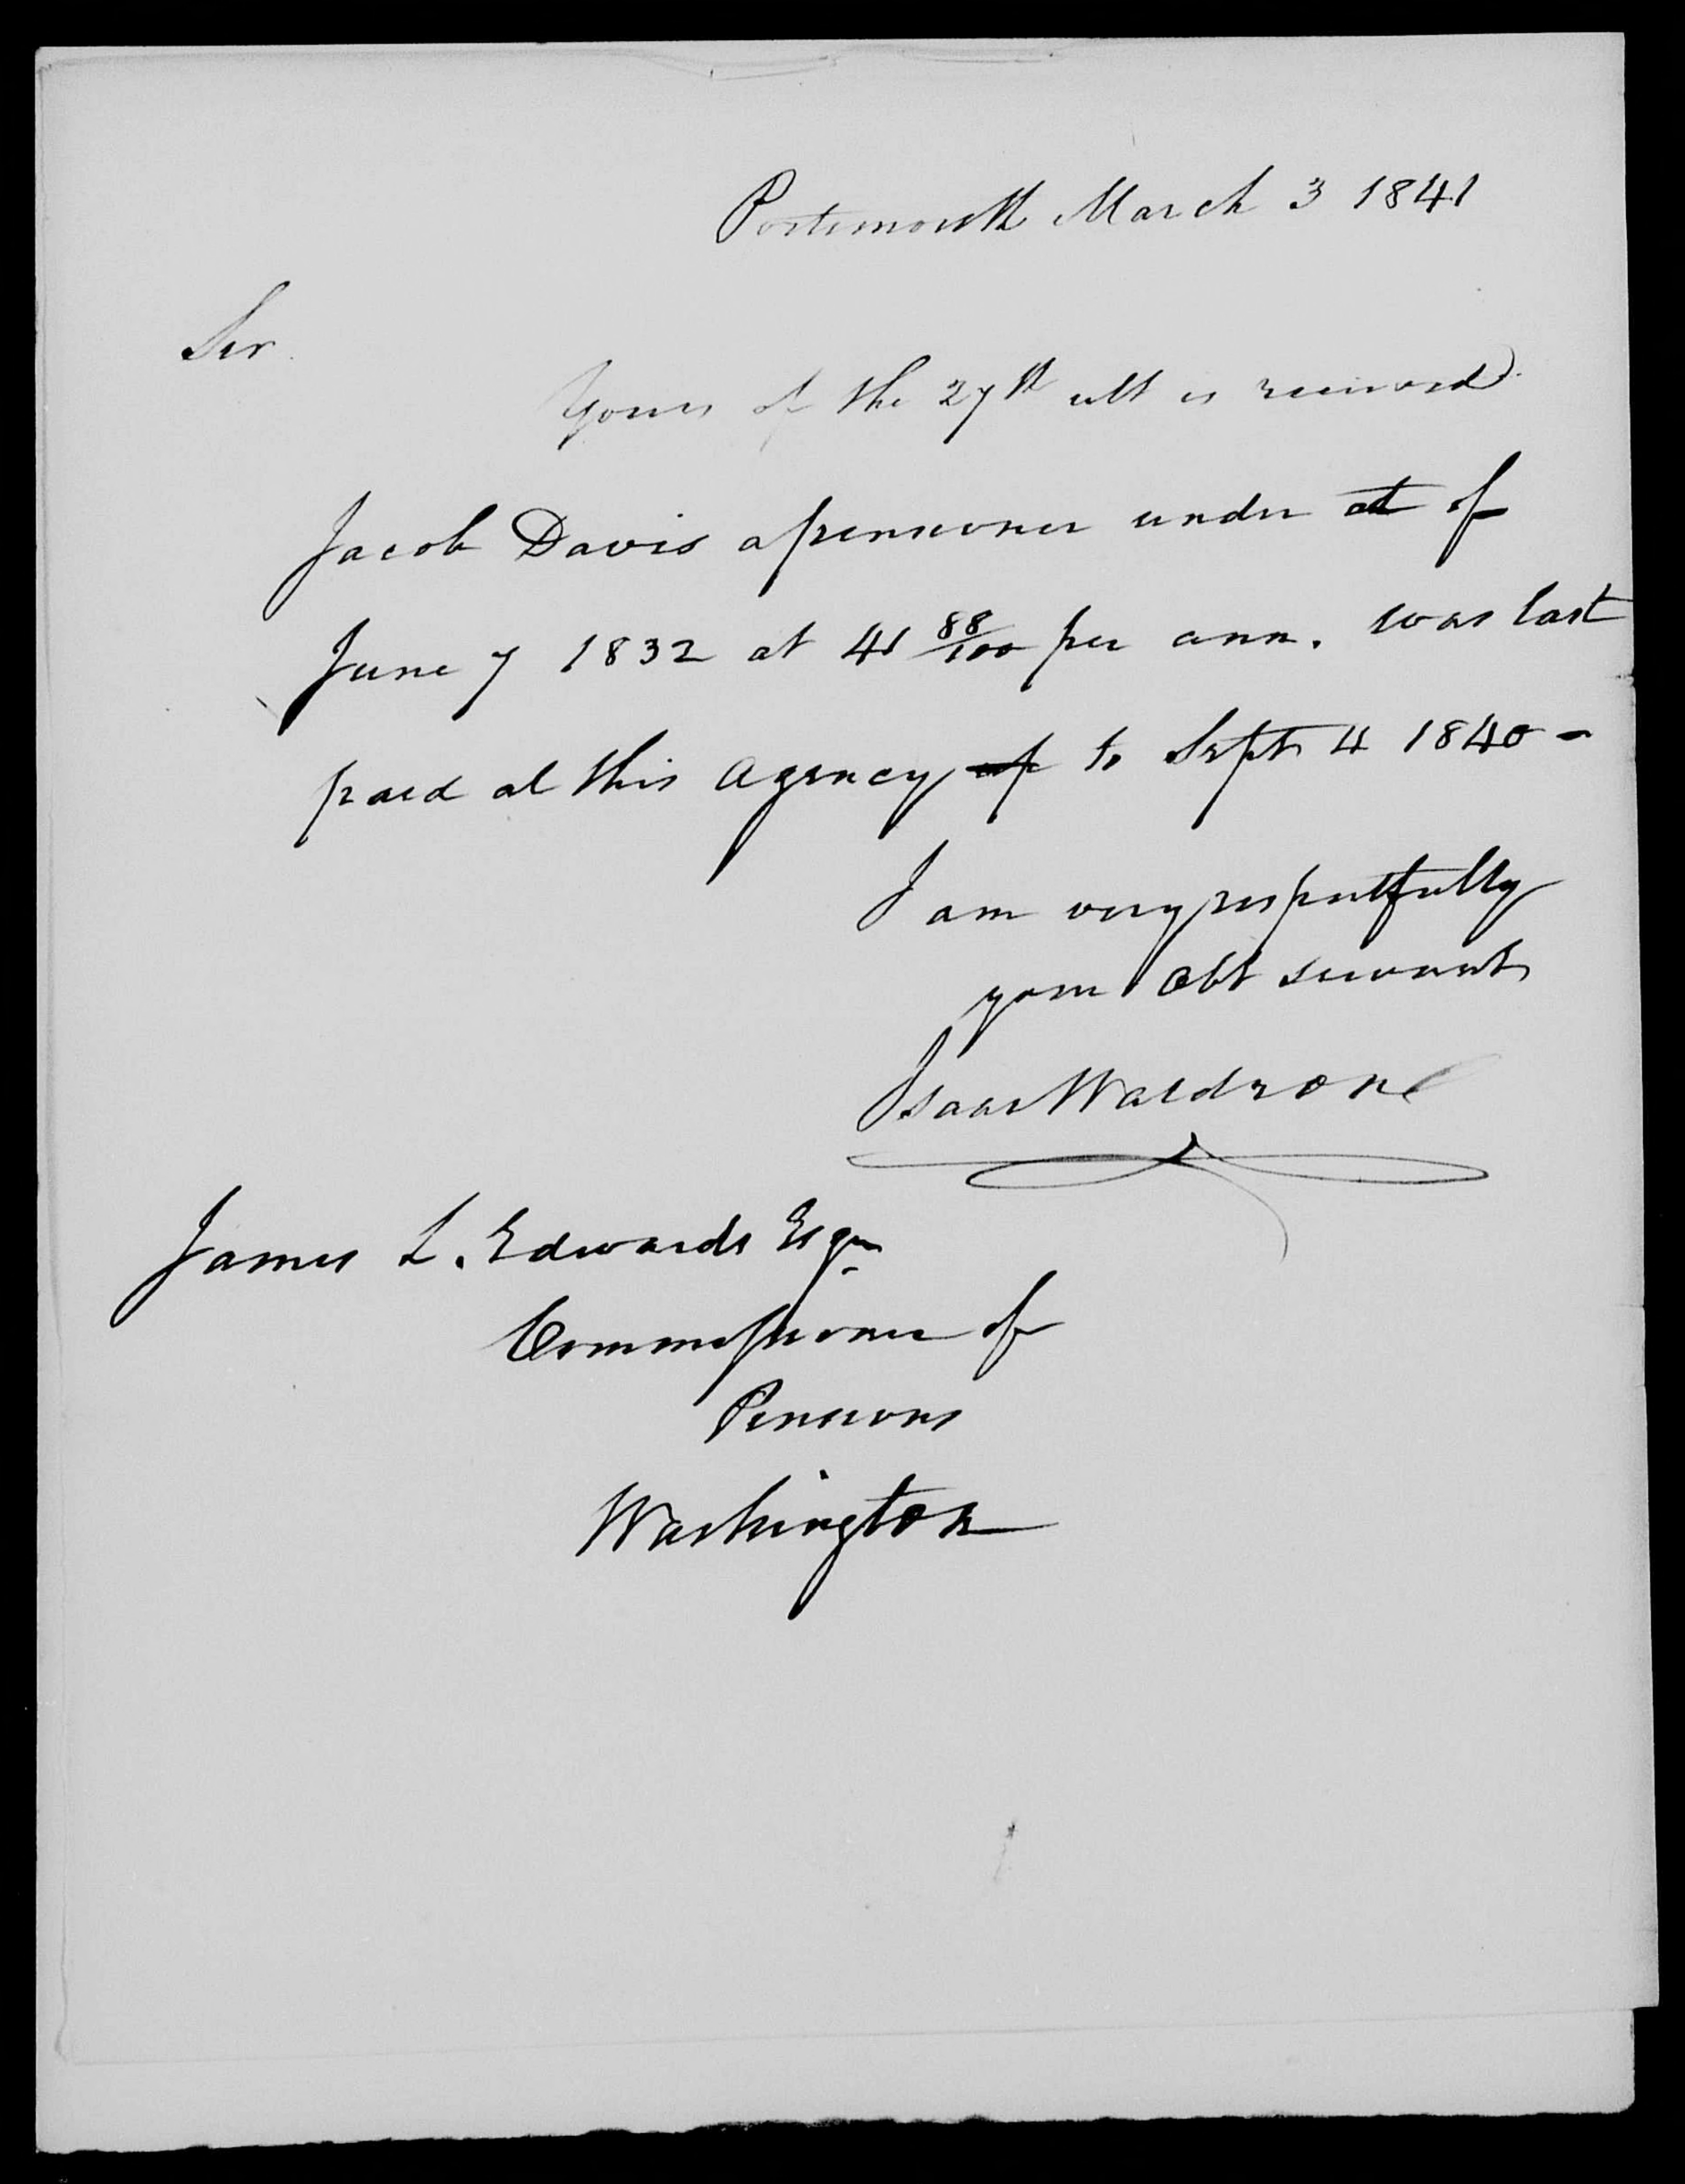Portsmouth March 3 1841
Sir
Yours of the 27th ult is received.
Jacob Davis a pensioner under act of
June 7 1832 at 41 88/100 per ann.
was last paid at this Agency up to Sept 4 1840
I am very respectfully
your obt Servant
Isaac Waldron
James L. Edwards Esq
Commissioner of Pensions
Washington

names: James L Edwards, Jacob Davis, Isaac Waldron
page: 41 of 47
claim: widow's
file: W. 24043, Jacob Davis, N.H.